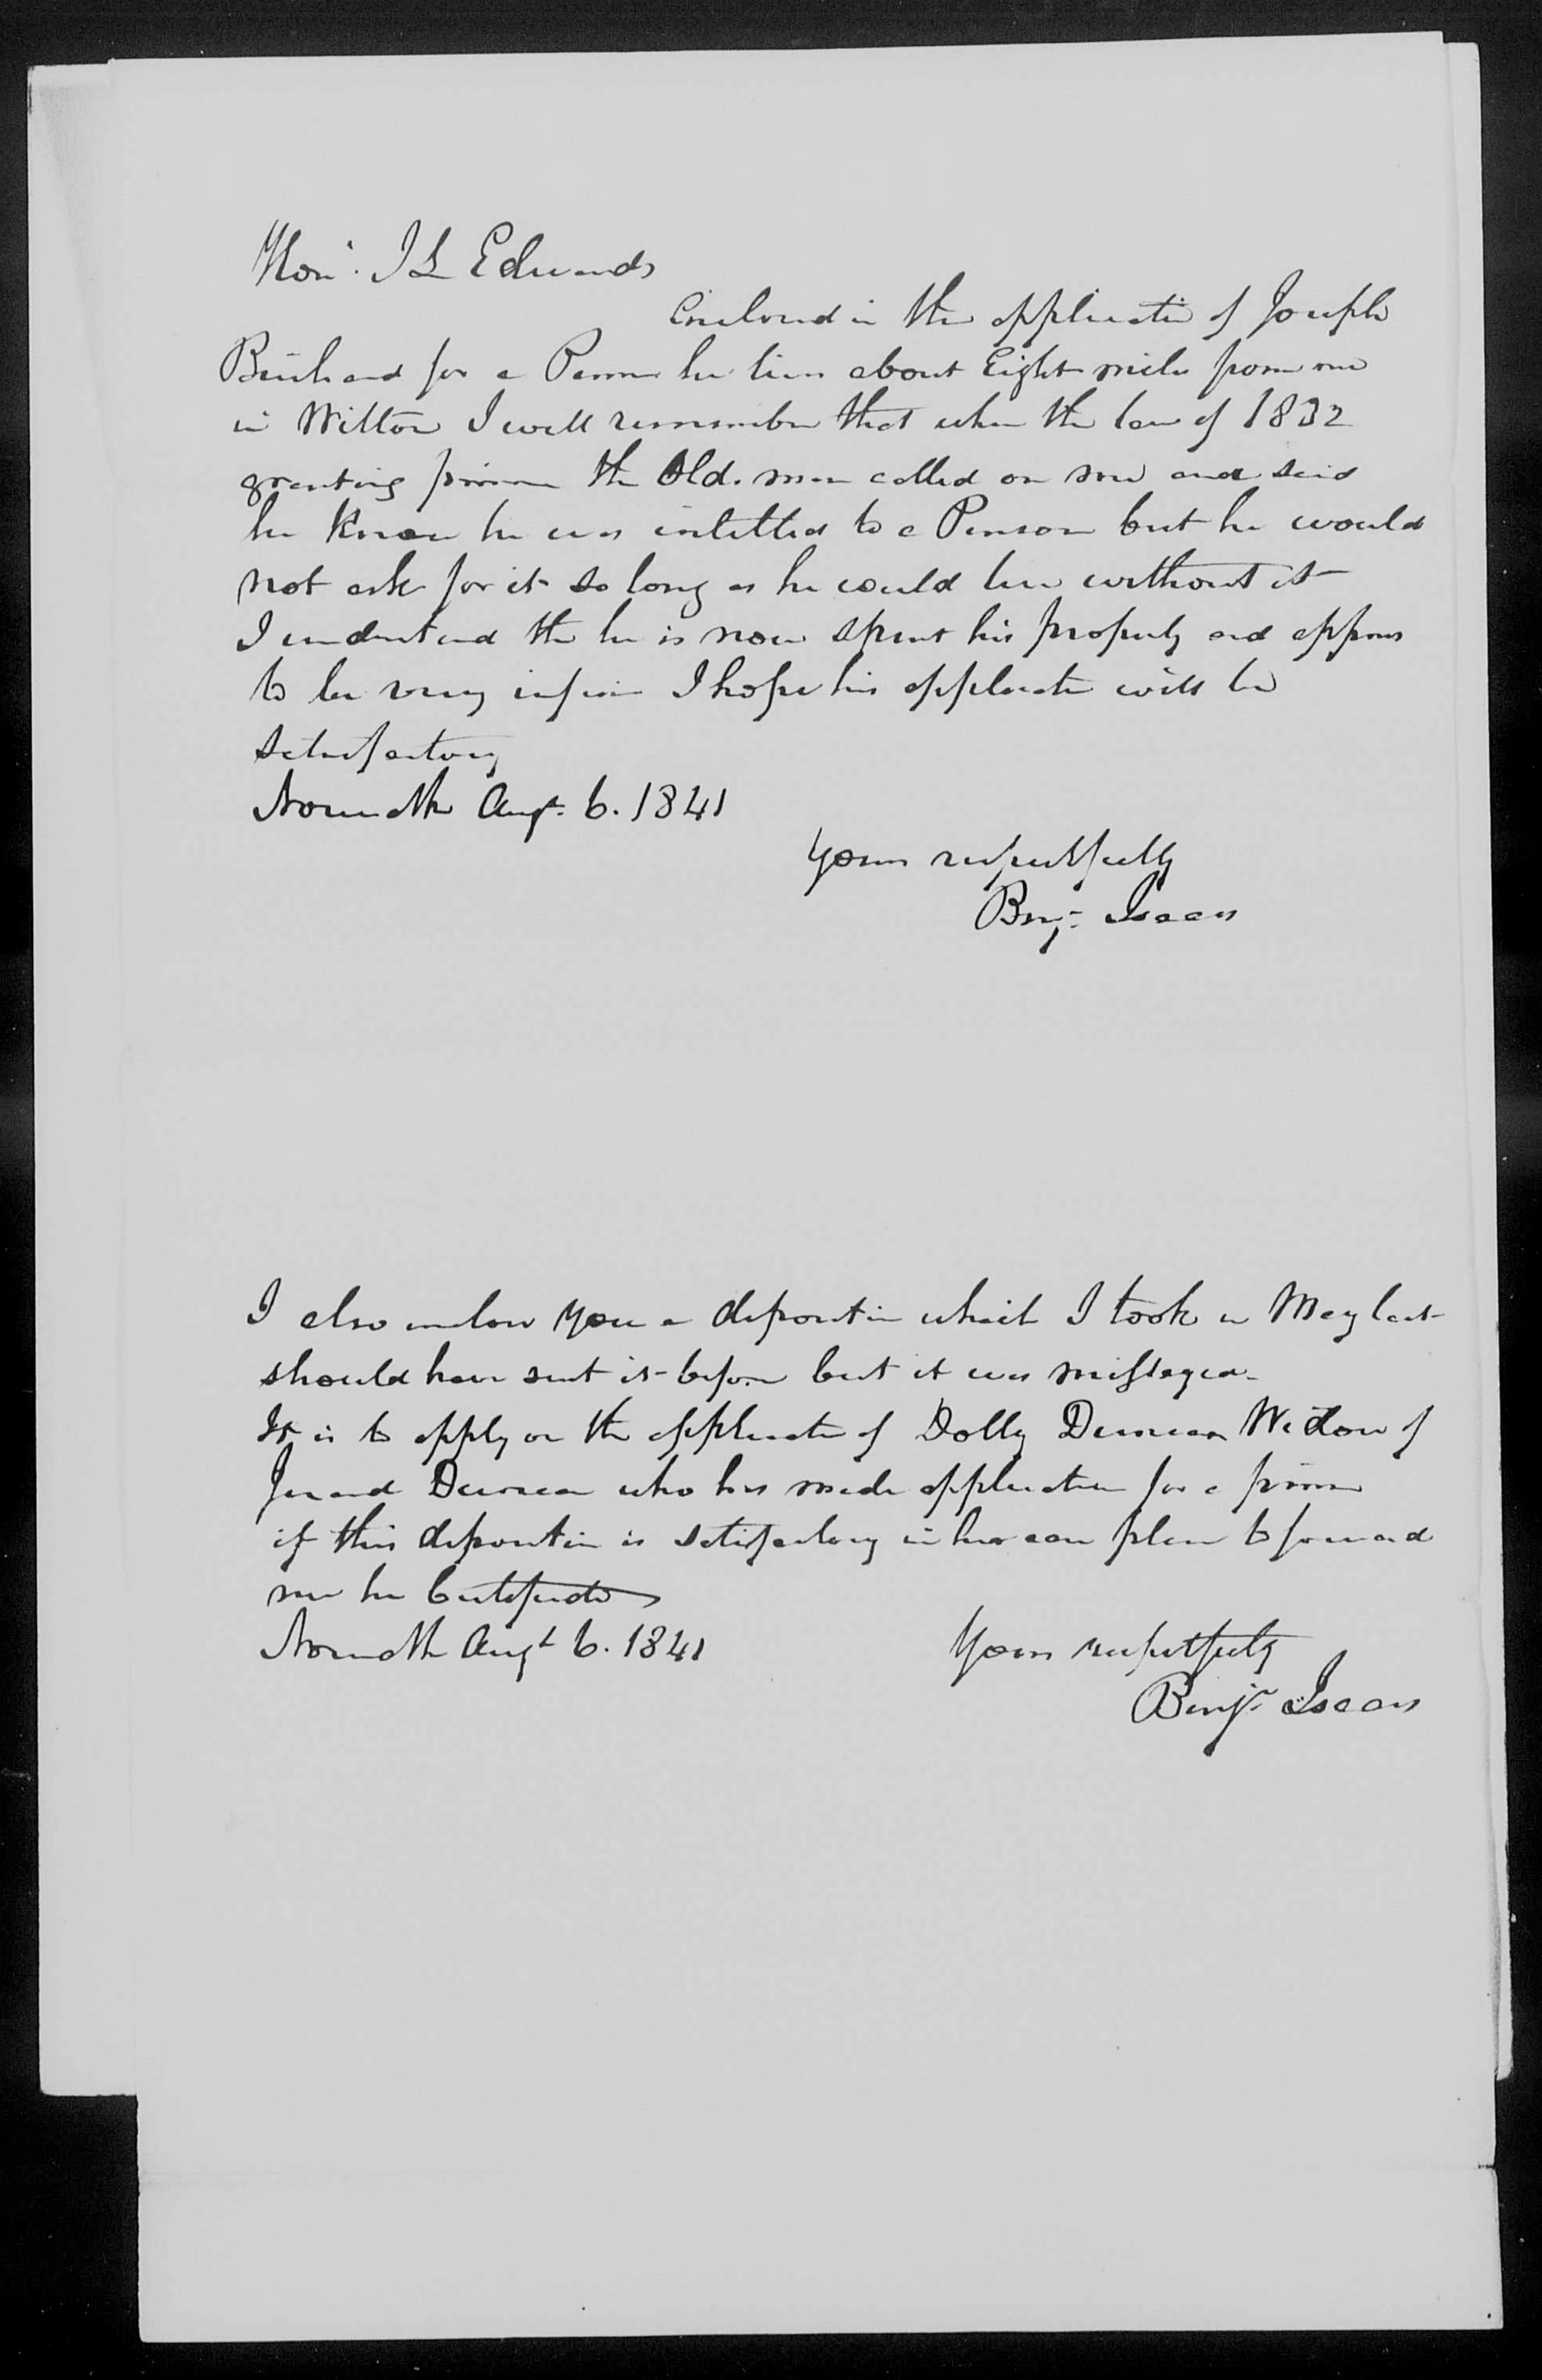Hon. J.L. Edwards,
  [unknown] in the application of Joseph Burchard for a pension be his about eight miles from said in Wilton. I will remember that when the law of 1832 granting pension the old man called on now and said he knew he was entitled to a pension but he would not ask for it so long as he could live without it. I understand that he is now spent his property and appears to be very infirm. I hope his application will be satisfactory.

[unknown] Aug. 6 1841

Your Respectfully Benj. Isaac


I also under a deposition which I took in May and should have sent  is before it was misplaced [i think] It is to apply on the application of Dolly Duncan Widow of Jerard Duncan who has made application for a pension if this deposition is satisfactory who can plea & forward his Gutfields [unknown}

Norwalk, Aug. 6, 1841

Your Respectfully, Benj. Isaac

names: Joseph Birchard, Benj Isaacs, Benj Isaacs, J L Edwards, Jerard Duncan, Dolly Duncan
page: 17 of 18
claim: rejected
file: R. 844, Joseph Birchard, Conn.